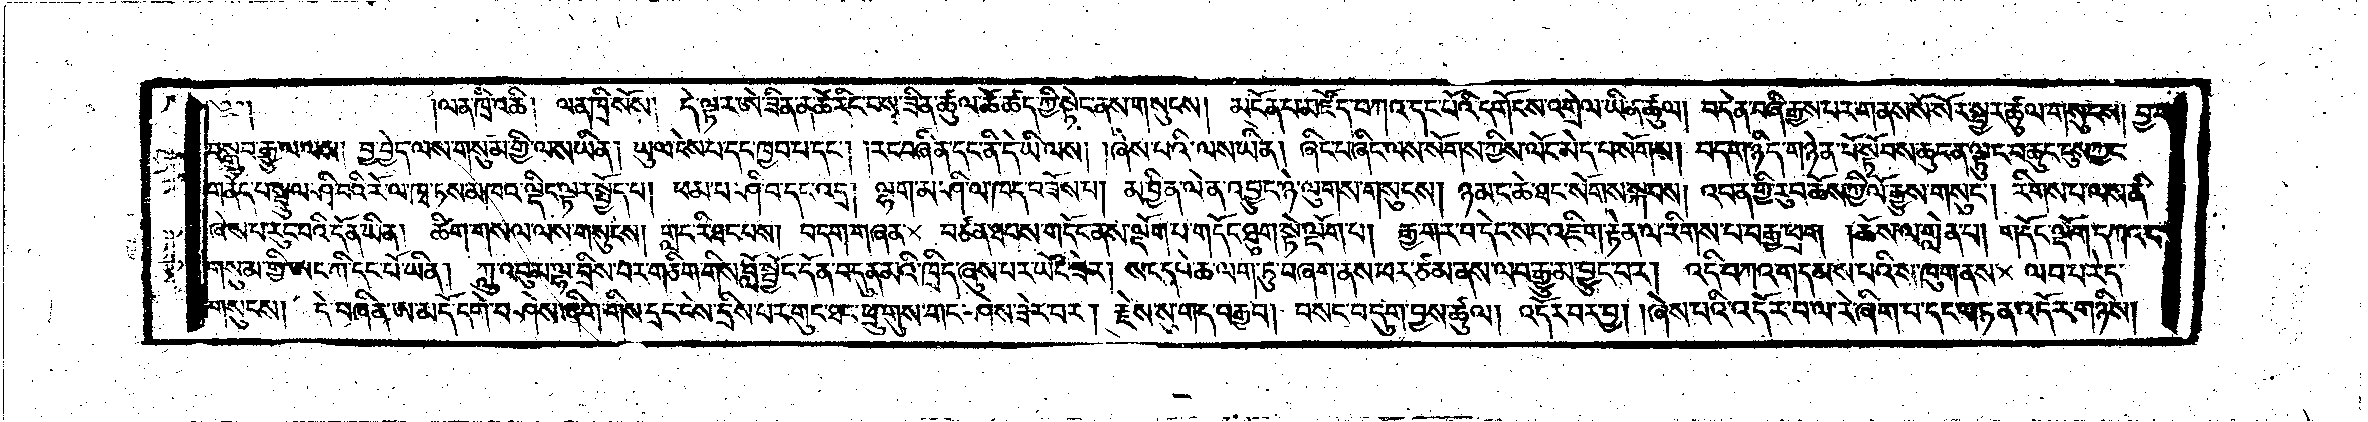༄༅། །ལན་ཁྲི་འཆི། ལན་ཁྲི་སོས། དེ་ལྟར་ཨེ་ཟིན་ན་ཚེ་རིང་བས་ཟིན་ཚུལ་ཚེ་ཚད་ཀྱི་སྟེང་ནས་གསུངས། མངོན་པ་མཛོད་བཀའ་དང་པོའི་དགོངས་འགྲེལ་ཡིན་ཚུལ། བདེན་བཞི་རྒྱས་པར་གནས་སོ་སོར་སྦྱར་ཚུལ་གསུངས། བྱ་བ་
བསྒྲུབ་རྒྱུ་ལ་ལས། བྱ་བྱེད་ལས་གསུམ་གྱི་ལས་ཡིན། ཡུལ་ངེས་པ་དང་ཁྱབ་པ་དང་། །རང་བཞིན་དང་ནི་དེ་ཡི་ལས། །ཞེས་པའི་ལས་ཡིན། ཞིང་པ་ཞིང་ལས་སོགས་ཀྱིས་ལོང་མེད་པ་སོགས། བདག་ཉིད་གཉེན་པོ་སྟོབས་ཆུང་ན་ལྟུང་བ་ཆུང་དུས་ཀྱང་
གནོད་པ་སྤྲུལ་ཤི་བའི་རོ་ལ་ཁྭ་ཏས་མཁའ་ལྡིང་ལྟར་སྤྱོད་པ། ཕམ་པ་ཤི་བ་དང་འདྲ། ལྷག་མ་ཤི་ལ་ཁད་བཟོས་པ། མ་བྱིན་ལེན་འབྱུང་ཉེ་ལུགས་གསུངས། ཉ་མང་ཆེ་ཐང་སོགས་སྐབས། འབན་གྱི་རུབ་ཆོས་ཀྱི་ལོ་རྒྱུས་གསུང་། རིགས་པ་ལས་ནི་
ཞེས་པ་རུང་བའི་དོན་ཡིན། ཚིག་གསལ་ལས་གསུངས། གླང་རི་ཐང་པས། བདག་གཞན་྾་བཙན་ཐབས་གདོང་ནས་ལྡོག་པ་གདོང་ཐུག་སྟེ་ལྡོག་པ། རྒྱ་གར་བ་དེང་སང་འཇིག་རྟེན་ལ་རིགས་པ་བརྒྱ་ཕྲག །ཆོས་ལ་གླེན་པ། གདོང་ལྡོག་དཀའ་བ་
གསུམ་གྱི་ཨང་ཀི་དང་པོ་ཡིན། ཀླུ་འབུམ་ལྷ་བྲིས་བར་གཅིག་གིས་བློ་སྦྱོང་དོན་བདུན་མའི་ཁྲིད་ཞུས་པར་ཡོང་ཟེར། སང་དཔེ་ཆ་ལག་ཏུ་བཞག་ནས་ཕར་ཙམ་ནས་ལབ་རྒྱུ་མ་བྱུང་བར། འདི་བཀའ་གདམས་པའི་ས་ཁུག་ནས་྾་ལབ་བ་རེད་
གསུངས། དེ་བཞིན་ཨ་མདོ་དགེ་བཤེས་ཞིག་གིས་དྲང་ངེས་དྲིས་པར་གུང་ཐང་ཕྲུ་གུས་གང་ཤེས་ཟེར་བར། རྗེས་སུ་གད་བརྒྱ་བ། བསང་བདུག་བྱས་ཚུལ། འདོར་བར་བྱ། །ཞེས་པའི་འདོར་བ་ལ་རེ་ཞིག་པ་དང་གཏན་འདོར་གཉིས།